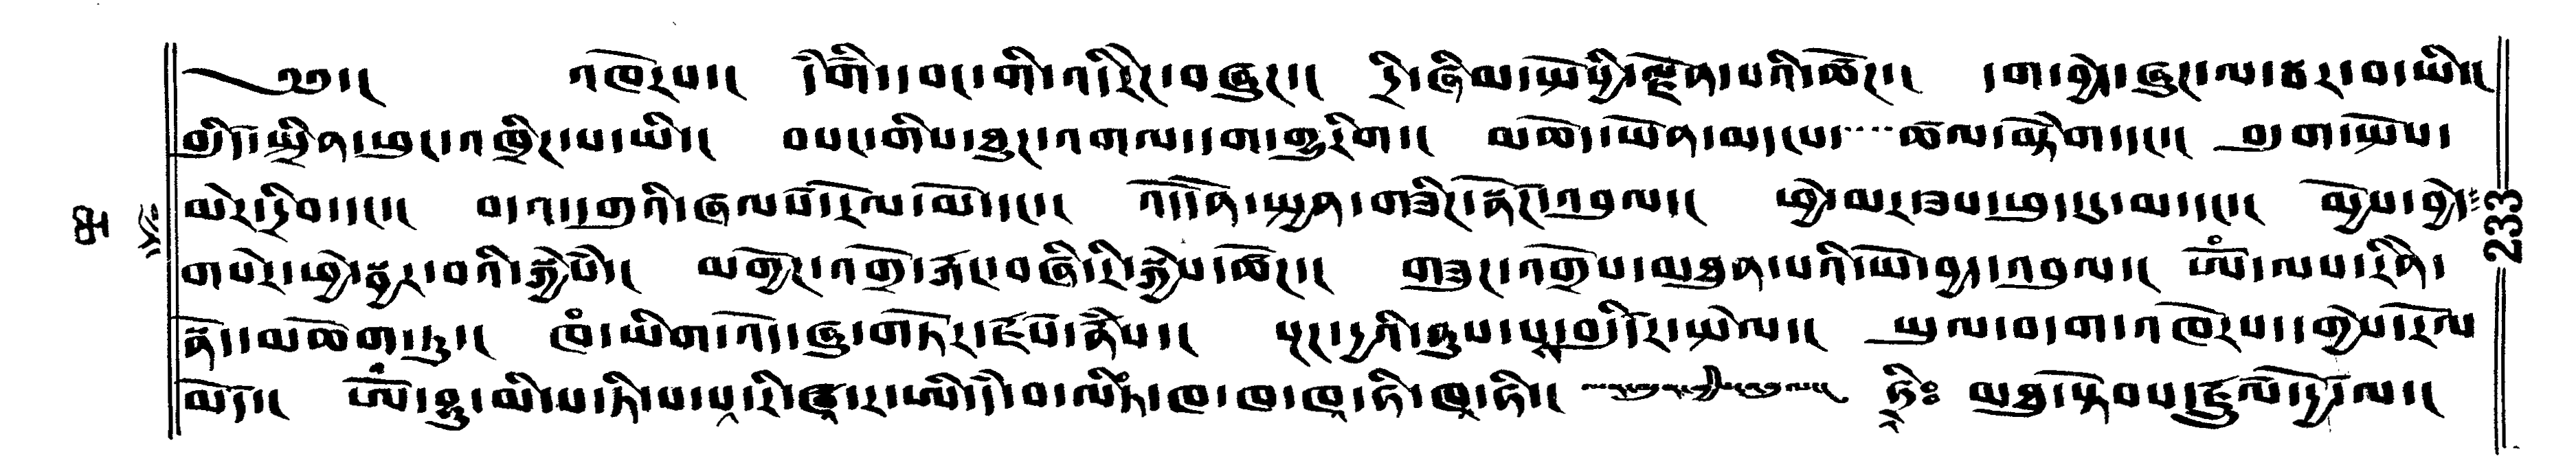འཁོར་བཅས། །དམ་ཚིག་དབང་གི་འདིར་གཤེགས་བཞུགས། །དྲི་ཞིམ་སྤོས་ཀྱི་ལྗོན་པའི་ཚོགས། །དག་བྱེད་ཞུགས་ལ་སྦར་བ་ཡི། །
བདུད་རྩི་སྤྲིན་ཕུང་འཁྲིགས་པ་ཡིས། །བསང་གིས་ཐུགས་འགལ་དག་གྱུར་ཅིག །མཆོད་ཡོན་མདངས་ཚལ་མེ་ཏོག་དང་། །བདུག་སྤོས་
མ་མེ་དྲི་ཆ་བ་དང་། །བདའ་དགུའི་ཞལ་ཟས་རོལ་མོ་དང་། །འདོད་ཡོན་སྤྱན་གཟིགས་སྣ་ཚོགས་འབུལ། །ཕྱེ་མར་ཟས་ཕུད་དུ་མ་དང་། །མྱོས་བྱེད་
གསེར་ཕྱེ་སྦྱར་བའི་སྐྱེམས། །མགྱོགས་འགྲོ་རྐང་བཞི་རི་སྐྱེས་ཚོགས། །གཟུགས་འགྲོས་མཐུན་པའི་ཡོ་བྱད་འབུལ། ཨོཾ་ལས་རིན་ཆེན་
སྣོད་མཆོག་ཏུ། ཁཾ་ཡིག་འོད་ཞུ་གཏོར་རྫས་རྣམས། །སྔགས་རྒྱའི་ནུས་པས་བདུད་རྩིར་སྤེལ། །ཡུལ་བདག་འཁོར་བཅས་དགྱེས་རོལ་
མཛོད། །ཨོཾ་བྷུ་མི་པ་ཏི་ས་པཱ་རི་ཝཱ་ར་ཨི་དམ་བ་ལིཾཏ་ཁ་ཁ་ཁཱ་ཧི་ཁཱ་ཧི། ལན་བདུན་གྱིས་འཕུལ། ཧྲཱིཿ མཐུ་སྟོབས་རྫུ་འཕྲུལ་རྒྱ་མཚོ་ལ།